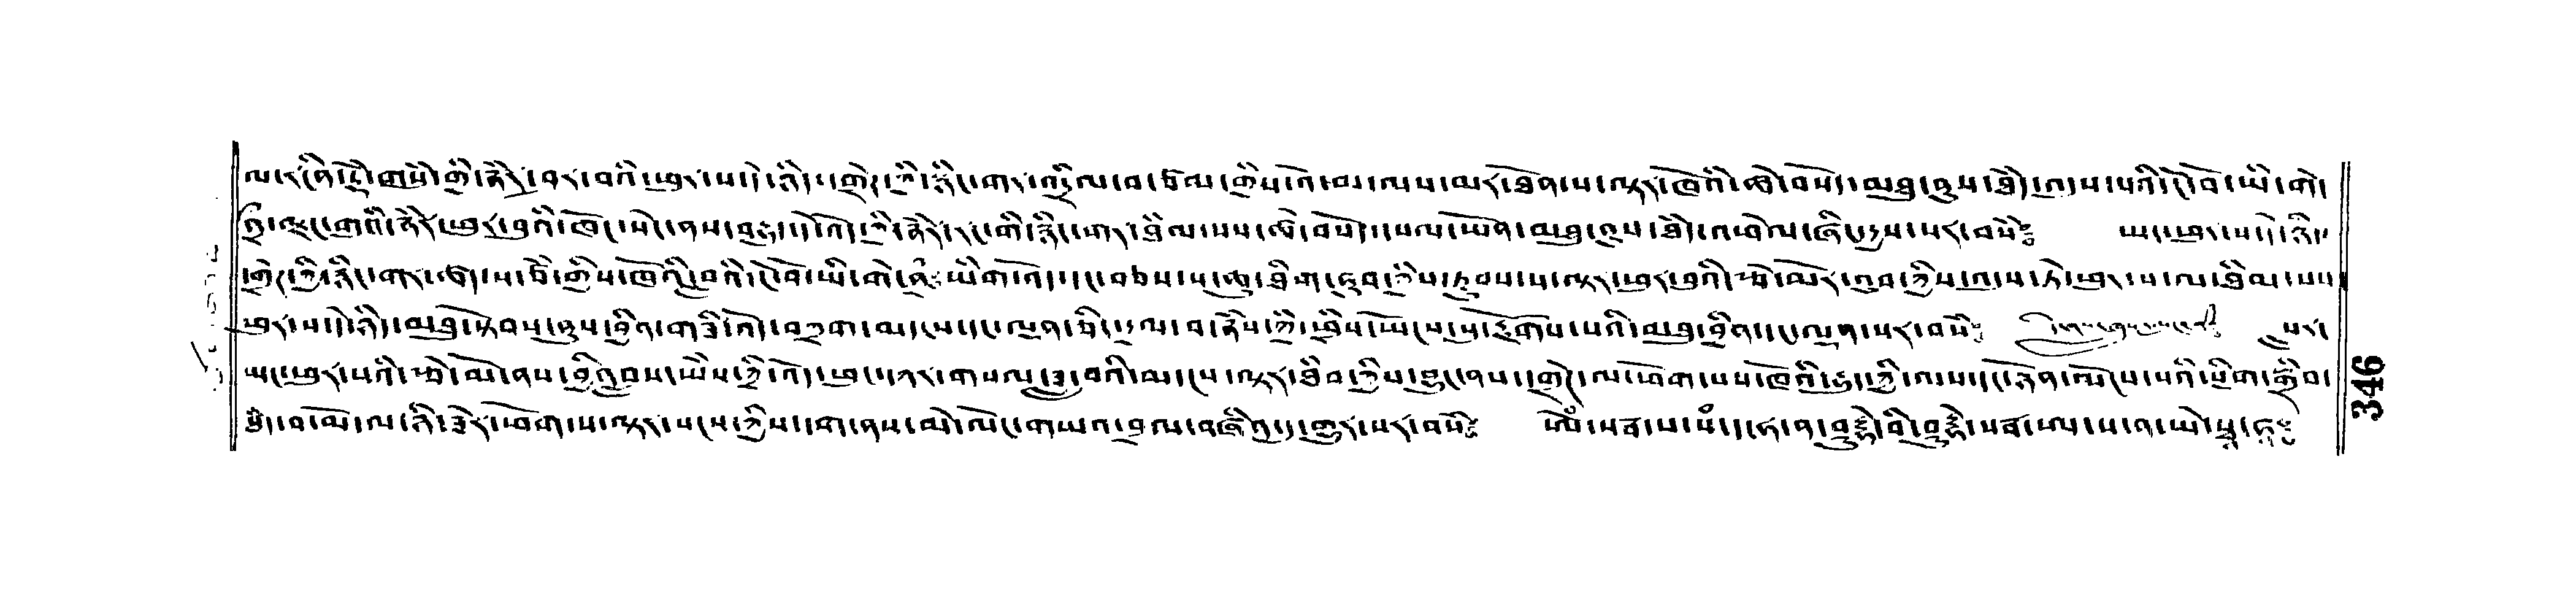ལ་རང་བཞིན་རྡོ་རྗེ་གསུམ་གྱི་རྣམ་པར་ཤར་བའི་ཕུར་པ་དེ་ཉིད་དགྲ་བགེགས་ཀྱི་སྙིང་གར་འདྲིལ་བ་ཙམ་གྱིས་འོ་མ་ལས་མར་ཐོན་པ་ལྟར་ཁོའི་ཚེ་བསོད་མཐུ་ནུས་ཐམས་ཅད་འདུས་པའི་ངོ་བོ་ཡི་གེ་
ནྲྀ་ལྗང་གུའི་རྣམ་པར་ཕུར་བུའི་ཁོང་སེང་ནས་བརྒྱུད་དེ་འོད་ཀྱི་རྣམ་པར་རང་གི་སྙིང་གར་ཐིམ་པས་ཚེ་བསོད་དཔལ་ཡོན་མཐུ་ནུས་ཐམས་ཅད་འཕེལ་ཞིང་རྒྱས་པར་བསམ༔ ཡང་ཕུར་པ་དེ་ཉིད་
དགྲ་བགེགས་ཀྱི་སྙིང་གར་ཚད་པ་ཙམ་གྱིས་ཁོའི་བླའི་ངོ་བོ་ཡི་གེ་ནྲྀཿཡིག་འོད་དང་བཅས་པ་ཆུ་ཐིག་ཧུབ་ཀྱིས་བཏུངས་པ་ལྟར་ཕུར་བུའི་རྩེ་མོར་འུབ་ཀྱིས་འདུས་ཏེ་ཕུར་པ་ལ་ཐིམ་པར་
ཕུར་པ་དེ་ཉིད་མཐུ་སྟོབས་ནུས་བྱིན་གཟི་འོད་བཀྲག་མདངས་དང་ལྡན་ཅིང་རྒྱལ་བ་རྣམས་ཀྱི་ཕྲིན་ལས་ཡོངས་སུ་རྫོགས་པའི་མཐུ་བྱིན་དང་ལྡན་པར་བསམ༔དེ་ནས་ཁྲུས་ལུང་ནི༔ སླར་
ཡང་ཕུར་པའི་རྩེ་མོ་ནས་བྱིན་རླབས་ཡེ་ཤེས་ཀྱི་འོད་ཕུང་དཀར་གསལ་ཟླ་བའི་མདངས་ལྟར་ཐིབ་ཀྱིས་བྱུང་ནས་དགྲ་བགེགས་ལ་ཕོག་པས་ཁོའི་རྒྱུད་ཀྱི་ལས་དང་ཉོན་མོངས་པའི་སྡིག་སྒྲིབ་
ཐམས་ཅད་བ་མོ་ལ་ཉི་ཟེར་ཕོག་པ་ལྟར་སངས་ཀྱིས་དག་ནས་མེ་ལོང་གཡའ་བྲལ་བཞིན་དུ་གྱུར་པར་བསམ༔ ཨོཾ་སརྦ་པ་པཾ་ད་ཧ་ན་ཤུདྡྷེ་བི་ཤུདྡྷི་སརྦ་ཨ་པ་ན་ཡེ་སྭཱ་ཧཱ༔